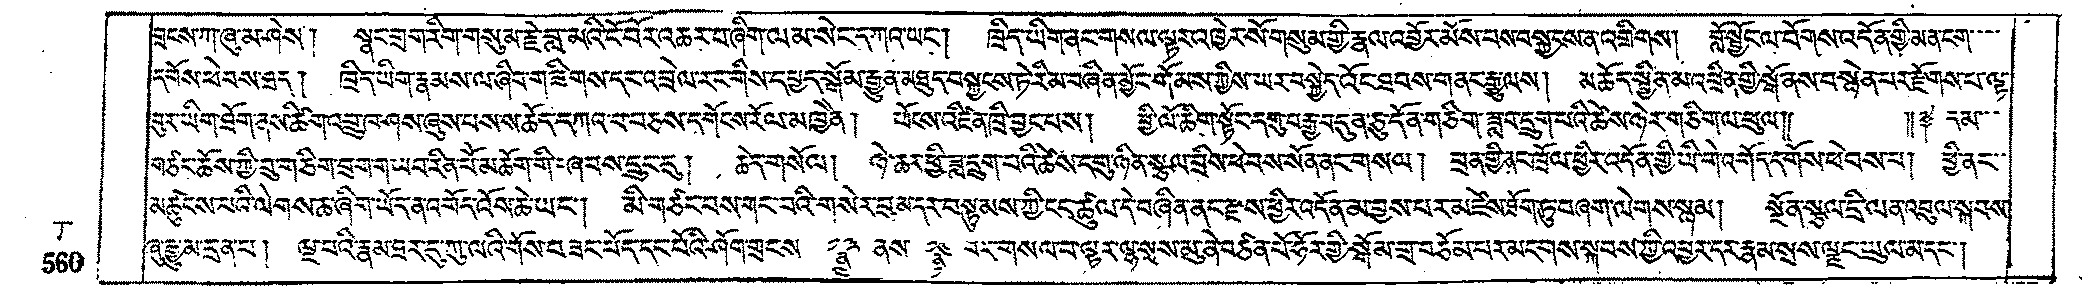གྲངས་ཀ་ཞུ་མ་ཤེས། སྣང་གྲག་རིག་གསུམ་རྗེ་བླ་མའི་ངོ་བོར་འཆར་བ་ཞིག་ལམ་སེང་དཀའ་ཡང་། ཁྲིད་ཡིག་ནང་གསལ་ལྟར་འཁྱེར་སོ་གསུམ་གྱི་རྣལ་འབྱོར་མོས་པས་བསྐྱངས་ན་འགྲིགས། བློ་སྦྱོང་ལ་བོགས་འདོན་གྱི་མན་ངག་་་
དགོས་ཕེབས་ཐད། ཁྲིད་ཡིག་རྣམས་ལ་ཞིབ་གཟིགས་དང་འབྲེལ་རང་གིས་དཔྱད་སྒོམ་རྒྱུན་མཐུད་བསྐྱངས་ཏེ་རིམ་བཞིན་མྱོང་གོམས་ཀྱིས་ཡར་བསྐྱེད་འོང་ཐབས་གནང་རྒྱུ་ལས། མཆོད་སྦྱིན་མ་འཕྲིན་གྱི་སྒོ་ནས་བསྙེན་པར་རྫོགས་པ་ལྟ་
བུར་ཡིག་ཐོག་ནས་ཚིག་འབྲུ་ཁ་ཤས་ཞུས་པས་ས་ཆོད་དཀའ་བ་བཅས་དགོངས་རོལ་མཁྱཻན། ཡོངས་འཛིན་ཁྲི་བྱང་པས། ཕྱི་ལོ་ཆིག་སྟོང་དགུ་བརྒྱ་བདུན་ཅུ་དོན་གཅིག་ཟླ་བ་དྲུག་པའི་ཚེས་ཉེར་གཅིག་ལ་ཕུལ།། །། འ་དམ་་་
གཙང་ཆོས་ཀྱི་བུ་གཅིག་བྲག་གཡབ་རིན་པོ་མཆོག་གི ༧ཞབས་དྲུང་དུ། ཆེད་གསོལ། ཉེ་ཆར་ཕྱི་ཟླ་དྲུག་པའི་ཚེས་དགུ་ཉིན་སྩལ་བྲིས་ཕེབས་སོན་ནང་གསལ། ཕྲན་གྱི་ནང་ཁྲོལ་ཕྱིར་འདོན་གྱི་ཡི་གེ་འགོད་དགོས་ཕེབས་པ། ཕྱི་ནང་་་
མཚུངས་པའི་ལེགས་ཆ་ཞིག་ཡོད་ན་འགོད་འོས་ཆེ་ཡང་། མི་གཙང་བས་གང་བའི་གསེར་བུམ་དར་བསྟུམས་ཀྱི་ངང་ཚུལ་དེ་བཞིན་ནང་རྫས་ཕྱིར་འདོན་མ་བྱས་པར་མཛེས་ཐོག་ཏུ་བཞག་ལེགས་སྙམ། སྔོན་སྩལ་དྲི་ལན་འབུལ་སྐབས་
ཞུ་རྒྱུ་མ་དྲན་པ། ལྔ་པའི་རྣམ་ཐར་དུ་ཀུ་ལའི་གོས་བཟང་པོ་ད་དང་པོའི་ཤོག་གྲངས ༡༣་ན ༤་ནས ༡༤་ན ༡་བར་གསལ་བ་ལྟར་ལྷ་སྲས་མུ་ནེ་བཙན་པོ་ཧོར་གྱི་སྒོམ་གྲ་བཅོམ་པར་མངགས་སྐབས་ཀྱི་འཕྱར་དར་རྣམ་སྲས་ལྗང་ཡུལ་མ་དང་